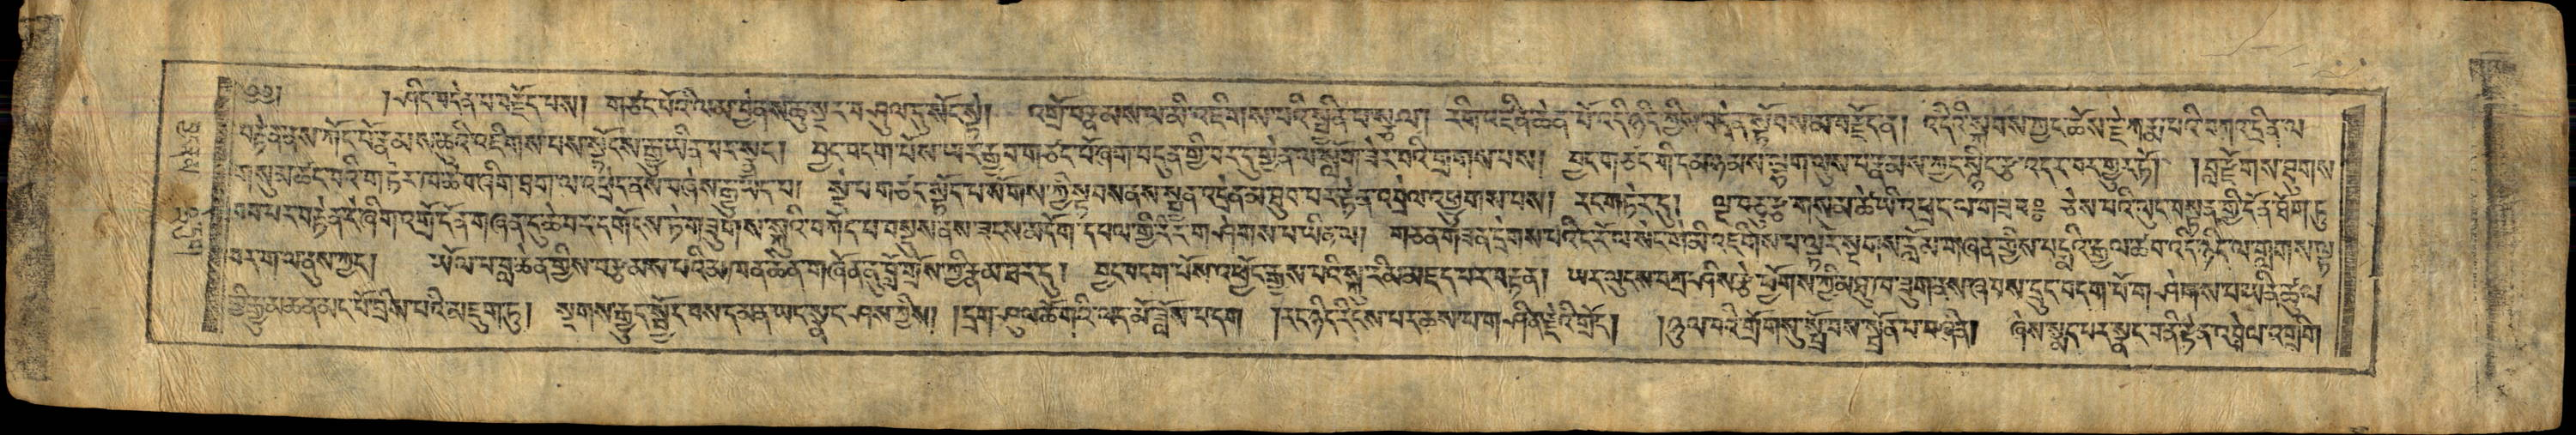༄༅། །ཤིང་བདེན་པ་བརྗོད་པས། གཙང་པོའི་ལམ་བྱེ་ནས་ཆུ་སྔར་བཤུལ་དུ་སོང་སྟེ། འགྲོ་བ་རྣམས་ལ་མི་འཇིགས་པའི་སྦྱིན་པ་སྩལ། རིག་འཛིན་ཆེན་པོ་འདི་ཉིད་ཀྱིས་བདེན་སྟོབས་མ་བརྗོད་ན། འདིའི་སྐབས་ཀྱང་ཆོས་རྗ་ཀརྨ་བའི་བཀའ་དྲིན་ལ་
བརྟེན་ནས་ཀོང་པོ་རྣམས་ཆུའི་འཇིགས་པས་སྟོངས་རྒྱུ་ཡིན་པར་སྣང་། བྱང་བདག་པོས་ཡར་རྒྱབ་གཅད་པོ་ཞག་བདུན་གྱི་བར་དུ་གྱེན་ལ་སློག་ཟེར་བའི་གྲགས་པས། བྱང་གཙང་གི་དམ་ཉམས་ལྷག་ལུས་པ་རྣམས་ཀྱང་སྙིང་རྩ་དར་བར་གྱུར་ཏོ། །བླ་རྫོགས་ཐུགས་
གསུམ་ཆང་བའི་གཏེར་ཁ་ཆེ་བ་ཞིག་ཐག་ལ་འཕྲེད་ནས་བཞེས་རྒྱུ་ཡོད་པ། སྡེ་པ་གཙང་སྟོད་པ་སོགས་ཀྱི་སྟབས་ནས་སྤྱན་འདྲེན་མ་ཐུབ་བར་རྟེན་འབྲེལ་འཕྱུགས་པས། རང་གཏེར་དུ། ལྔ་བཅུ་རྩ་གསུམ་ཚེ་ཡི་འཕྲད་ལ་གཟབཿ་ཅེས་པའི་ལུང་བསྟན་གྱི་དོན་ཐོག་ཏུ་
བབ་པར་བརྟེན་རེ་ཞིག་འགྲོ་དོན་གཞན་དུ་ཆེ་བར་དགོངས་ཏེ་གཟུགས་སྐུའི་བཀོད་པ་བསྡུས་ནས་ཟངས་མདོག་དབལ་གྱི་རིར་གཤེགས་པ་ཡིན་ལ། གཅན་གཟན་དྲེགས་པའི་ང་རོ་ལ་སེང་གེ་མི་འཇིགས་པ་ལྟར་སྔགས་རློམ་གཞན་གྱིས་པདམའི་རྒྱལ་ཚབ་འདི་ཉིད་ལ་གླགས་ལྟ་
པར་ག་ལ་ནུས་ཀྱང་། ཡོལ་པ་བླ་ཆེན་གྱིས་བརྩམས་པའི་མཁན་ཆེན་གཞོན་ནུ་བློ་གྲོས་ཀྱི་རྣམ་ཐར་དུ། བྱང་བདག་པོས་འཕྱོང་རྒྱས་པའི་སྐུ་རིམ་མཛད་པར་བརྟན། ཡར་ལུངས་བཀྲ་ཤིས་རྩེ་ཕྱོགས་ཀྱི་མཐུ་ཁ་ཟུག་ནས་ཞབས་དྲུང་བདག་པོ་གཤེགས་པ་ཡིན་ཚུལ་
གྱི་རྒྱུ་མཚན་མང་པ་བྲིས་པའི་མཇུག་ཏུ། སྔགས་རྒྱུ་སྦྱོར་པས་དམན་ཡང་སྣང་ཤས་ཀྱིས། །དྲག་ཤུལ་ཆོ་གའི་ལད་མོ་ཟློས་པ་དག །རང་ཉིད་རིངས་པར་ཆས་པ་གཤིན་རྗེའི་གྲེང་། །ཉུལ་བའི་གྲོག་སུ་སྤྲོ་བས་སྦྲོན་པ་བཞིན། ཞེས་སྨད་པར་སྣང་བ་ནི་རྟེན་འབྲེལ་འགྲིག་